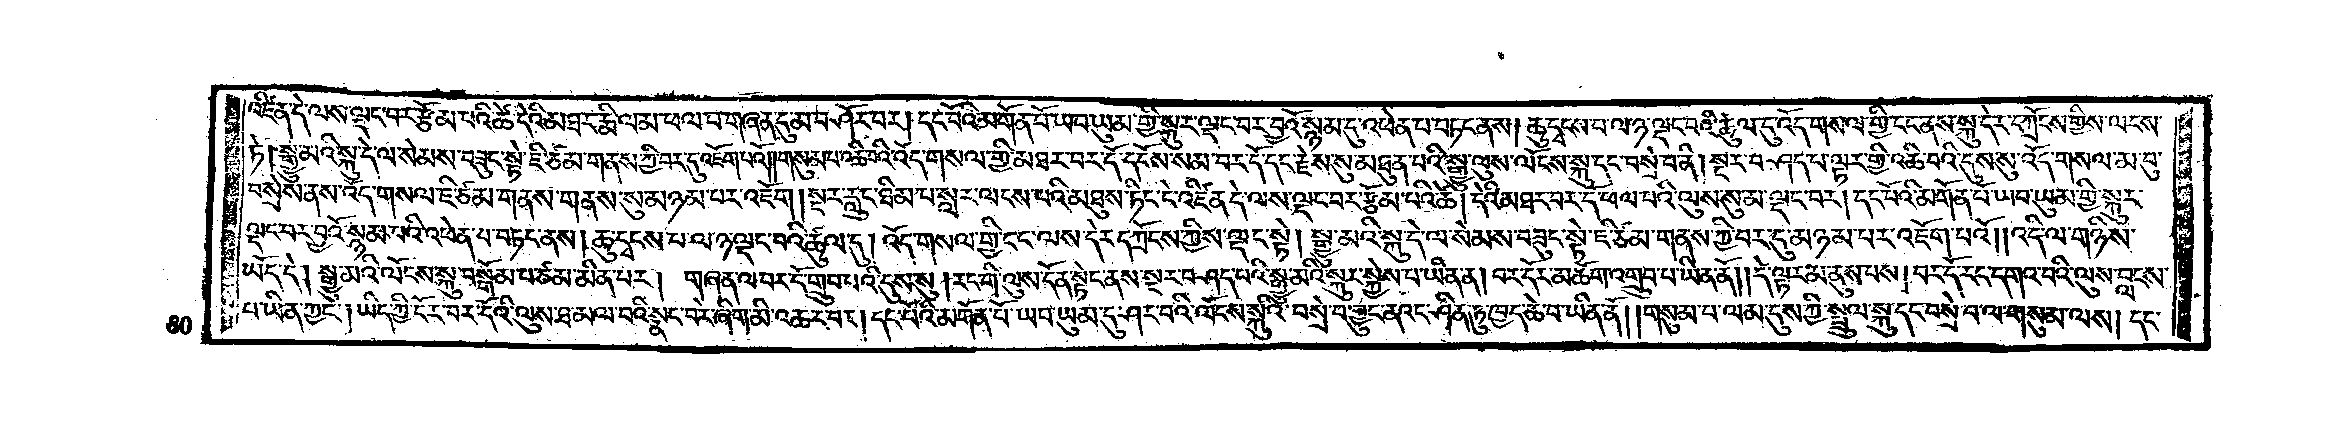འཛིན་དེ་ལས་ལྡང་བར་རྩོམ་པའི་ཚེ་དེའི་མཐར་རྨི་ལམ་ཕལ་བ་གཞན་དུ་མ་བཤོར་བར། དང་པོའི་མགོན་པོ་ཡབ་ཡུམ་གྱི་སྐུར་ལྡང་བར་བྱའོ་སྙམ་དུ་འཕེན་པ་བཏང་ནས། ཆུ་དྭངས་བ་ལ་ཉ་ལྡང་བའི་ཚུལ་དུ་འོད་གསལ་གྱི་ངང་ནས་སྐུ་དེར་དཀྲོངས་ཀྱིས་ལངས་
ཏེ། སྒྱུ་མའི་སྐུ་དེ་ལ་སེམས་བཟུང་སྟེ་ཇི་ཙམ་གནས་ཀྱི་བར་དུ་འཇོག་པའོ། །གསུམ་པ་འཆི་བའི་འོད་གསལ་གྱི་མཐར་བར་དོ་དངོས་སམ་བར་དོ་དང་རྗེས་སུ་མཐུན་པའི་སྒྱུ་ལུས་ལོངས་སྐུ་དང་བསྲེ་བ་ནི། སྔར་བཤད་པ་ལྟར་གྱི་འཆི་བའི་དུས་སུ་འོད་གསལ་མ་བུ་
བསྲེས་ནས་འོད་གསལ་ཇི་ཙམ་གནས་གནས་སུ་མཉམ་པར་འཇོག །སྔར་རླུང་ཐིམ་པ་སླར་ལངས་པའི་མཐུས་ཏིང་ངེ་འཛིན་དེ་ལས་ལྡང་བར་རྩོམ་པའི་ཚེ། དེའི་མཐར་བར་དོ་ཕལ་བའི་ལུས་སུ་མ་ལྡང་བར། དང་པོའི་མགོན་པོ་ཡབ་ཡུམ་གྱི་སྐུར་
ལྡང་བར་བྱའོ་སྙམ་པའི་འཕེན་པ་བཏང་ནས། ཆུ་དྭངས་པ་ལ་ཉ་ལྡང་བའི་ཚུལ་དུ། འོད་གསལ་གྱི་ངང་ལས་དེར་དཀྲོངས་ཀྱིས་ལྡང་སྟེ། སྒྱུ་མའི་སྐུ་དེ་ལ་སེམས་བཟུང་སྟེ་ཇི་ཙམ་གནས་ཀྱི་བར་དུ་མཉམ་པར་འཇོག་པའོ། །འདི་ལ་གཉིས་
ཡོད་དེ། སྒྱུ་མའི་ལོངས་སྐུ་བསྒོམ་པ་ཙམ་མིན་པར། གཞན་ལ་བར་དོ་གྲུབ་པའི་དུས་སུ། རང་གི་ལུས་དོན་སྟེང་ནས་སྔར་བཤད་པའི་སྒྱུ་མའི་སྐུར་སྐྱེས་པ་ཡིན་ན། བར་དོར་མཆོག་འགྲུབ་པ་ཡིན་ནོ། །དེ་ལྟར་མ་ནུས་པས། བར་དོ་རང་དགའ་བའི་ལུས་བླངས་
པ་ཡིན་ཀྱང་། ཡིད་ཀྱི་ངོར་བར་དོའི་ལུས་ཐ་མལ་བའི་སྣང་བ་རེ་ཞིག་མི་འཆར་བར། དང་པོའི་མགོན་པོ་ཡབ་ཡུམ་དུ་ཤར་བའི་ལོངས་སྐུའི་བསྲེ་བ་བྱུང་ནའང་ཤིན་ཏུ་ཁྱད་ཆེ་བ་ཡིན་ནོ། །གསུམ་པ་ལམ་དུས་ཀྱི་སྤྲུལ་སྐུ་དང་བསྲེ་བ་ལ་གསུམ་ལས། དང་